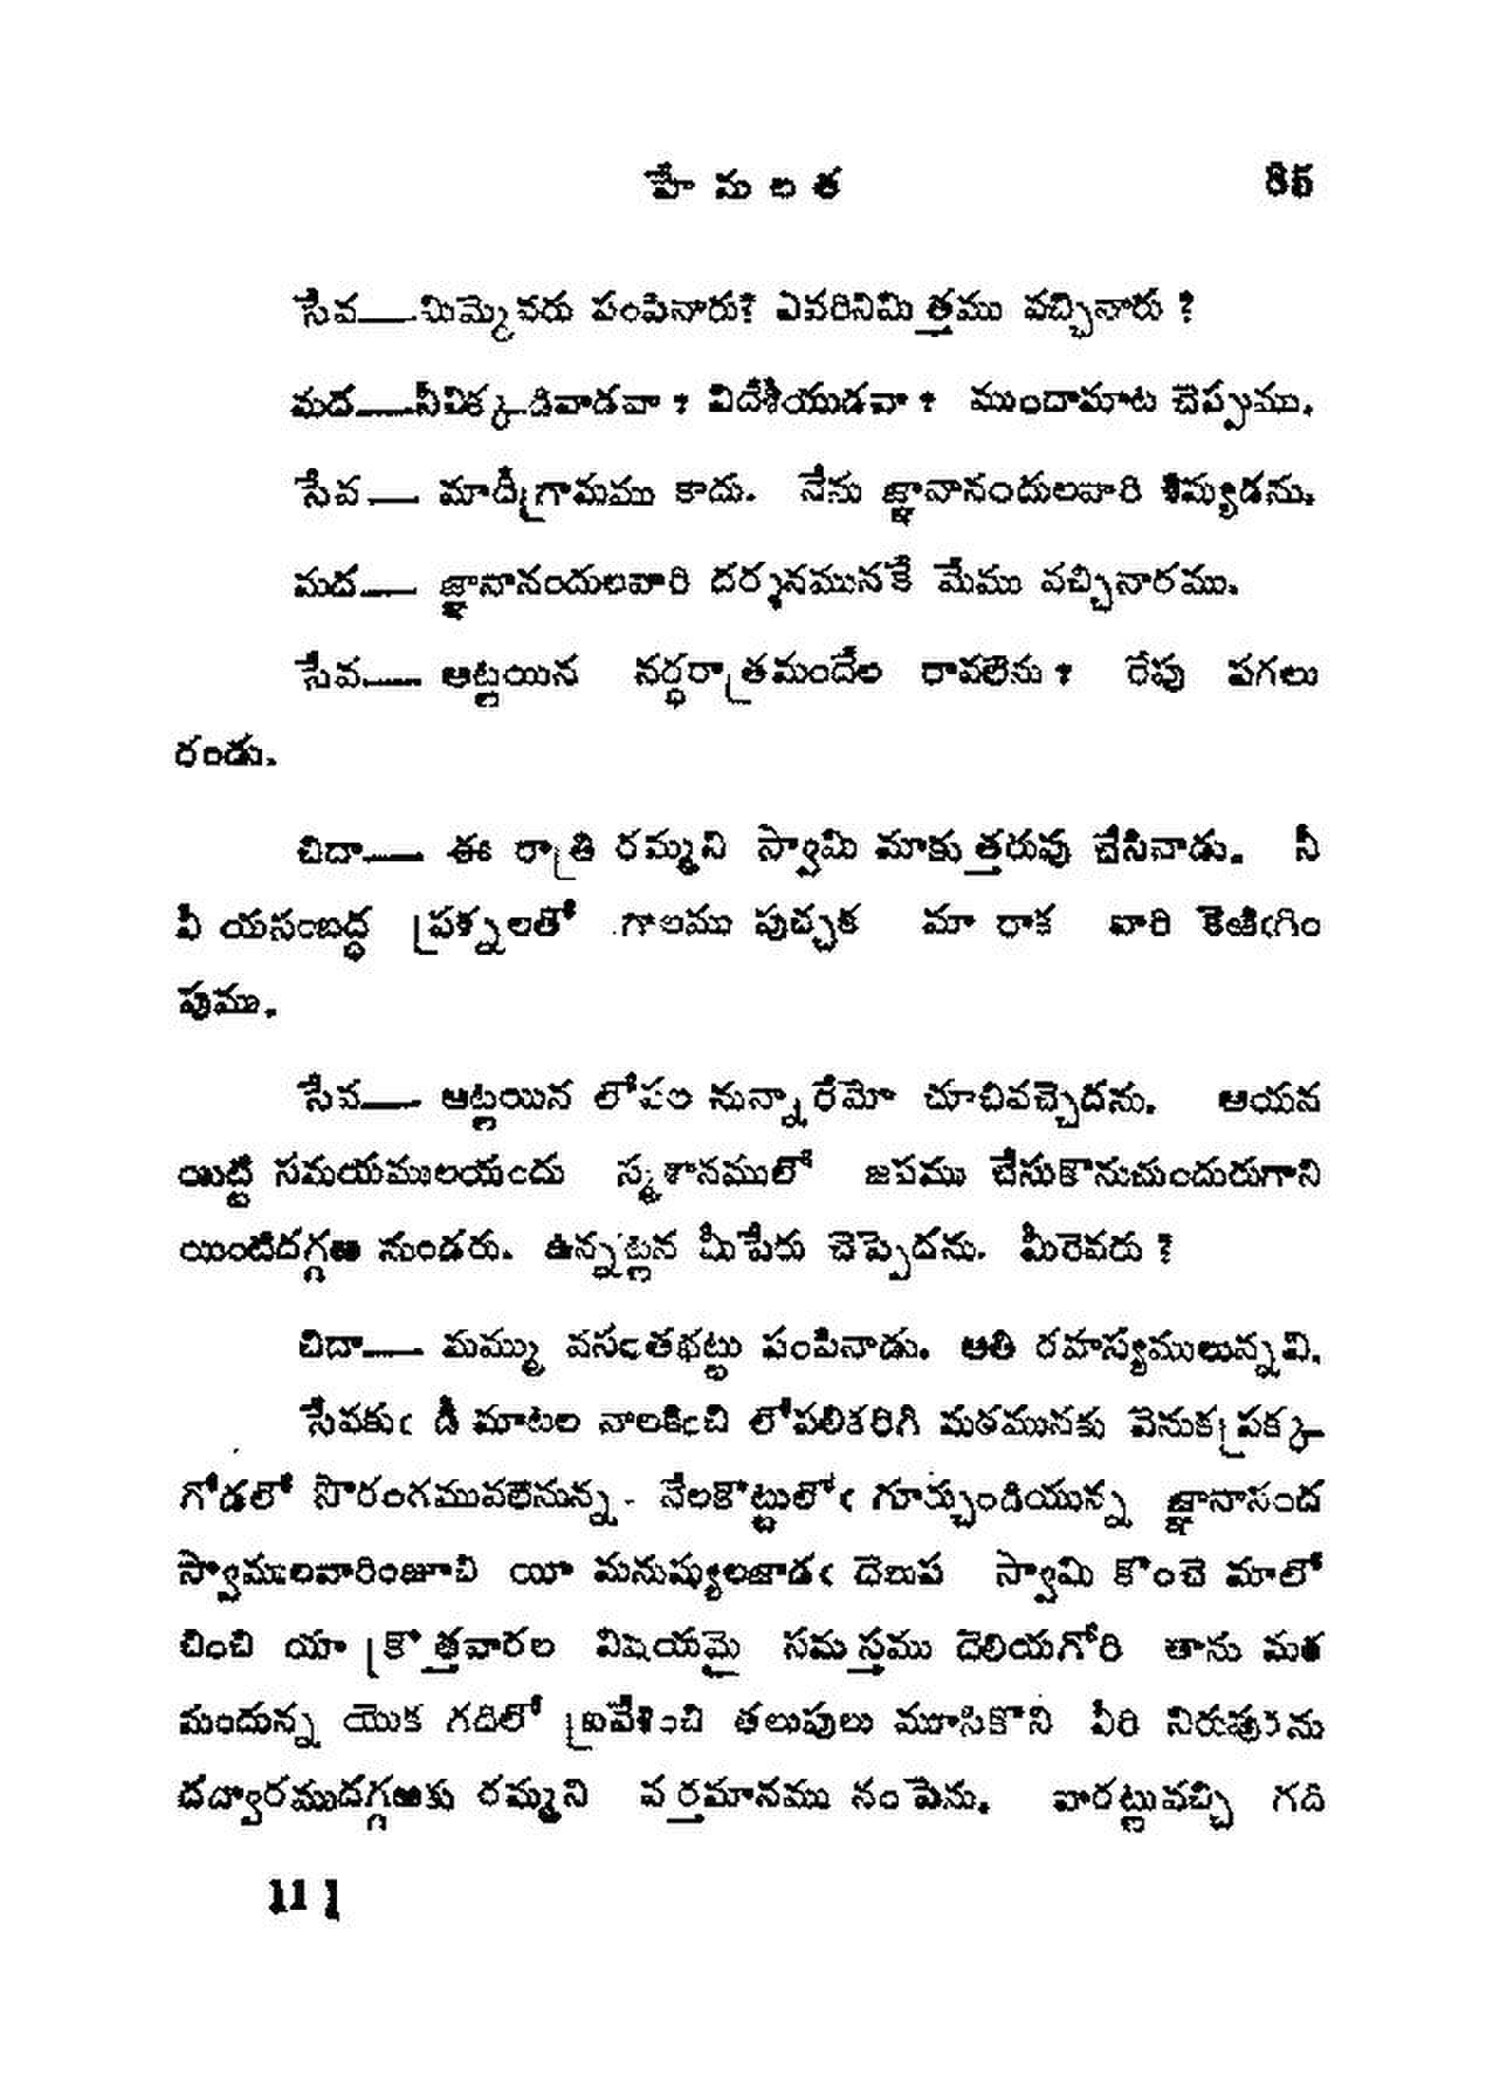సేవ — మిమ్మెవరు పంపినారు? ఎవరినిమిత్తము వచ్చినారు?

మద — నీవిక్కడివాడవా? విదేశీయుడవా? ముందామాట చెప్పుము

సేవ — మాదీగ్రామము కాదు. నేను జ్ఞానానందులవారి శిష్యుడను.

మద — జ్ఞానానందులవారి దర్శనమునకే మేము వచ్చినారము.

సేవ — అట్లయిన నర్ధరాత్రమందేల రావలెను? రేపు పగలు రండు.

చిదా — ఈ రాత్రిరమ్మని స్వామి మాకుత్తరువు జేసినాడు. నీయసంబద్ధ ప్రశ్నలతో గాలము బుచ్చక మారాక వారి కెఱిఁగింపుము.

సేవ — అట్లయిన లోపల నున్నారేమో చూచివచ్చెదను. ఆయన యిట్టి సమయముల యందు స్మశానములో జపము చేసికొనుచుందురు గాని యింటిదగ్గఱ నుండరు. ఉన్నట్లన మీపేరు చెప్పెదను. మీరెవరు?

చిదా — మమ్ము వసంతభట్టు పంపినాడు. అతి రహస్యములున్నవి.

సేవకుడుఁ డీమాటల నాలకించి లోపలికరిగి మఠమునకు వెనుకప్రక్కగోడలో సొరంగమువలె నున్న నేలకొట్టులోఁ గూర్చుండియున్న జ్ఞానానంద స్వాములవారింజూచి యీ మనుష్యులజాడఁ దెలుప స్వామి కొంచె మాలోచించి యా క్రొత్తవారల విషయమై సమస్తము దెలియగోరి తాను మఠమందున్నయొక గదిలో బ్రవేశించి తలుపులు మూసికొని వీరి నిరువురను దద్వారముదగ్గఱకు రమ్మని వర్తమానము పంపెను. వారట్లువచ్చి గది